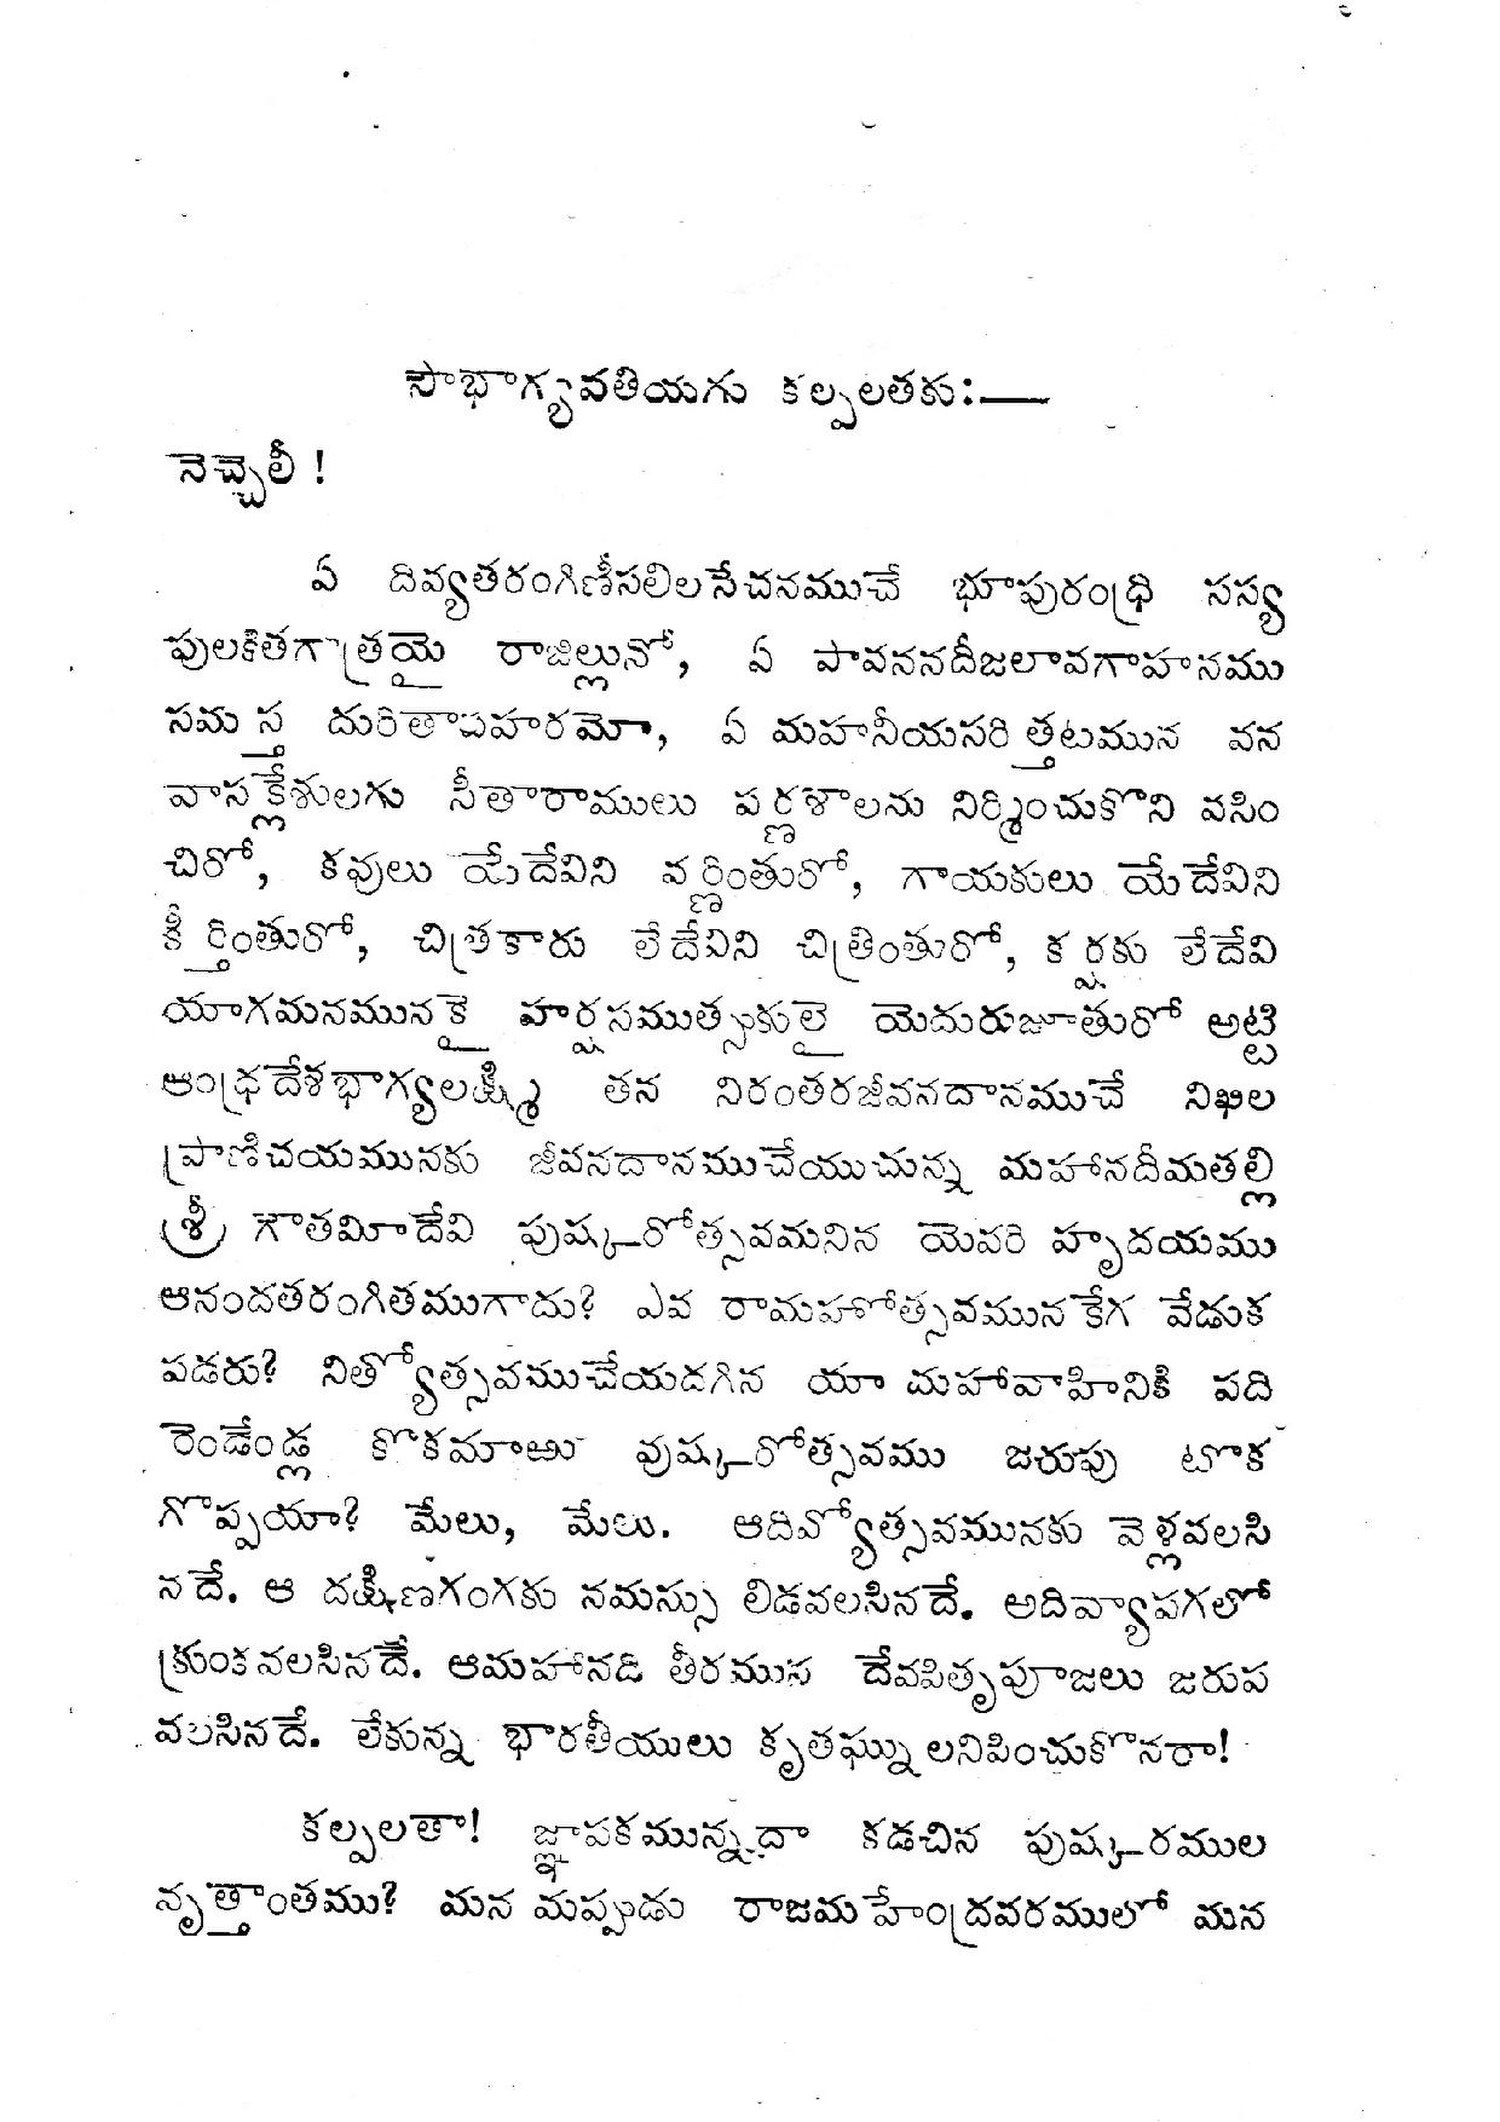సౌభాగ్యవతియగు కల్పలతకు:--

నెచ్చెలీ !

ఏ దివ్యతరంగిణీసలిల సేచనముచే భూపురంధ్రి సస్య
పులకితగా త్రయై రాజిల్లునో, ఏ పావననదీజలావగాహనము
సమస్త దురితాపహరమో, ఏ మహనీయసరిత్తటమున వన
వాసక్లేశులగు సీతారాములు పర్ణశాలను నిర్మించుకొని వసిం
చిరో, కవులు యేదేవిని వర్ణింతురో, గాయకులు యేదేవిని
ర్తింతురో, చిత్రకారు లేదేవిని చిత్రింతురో, కరకు లేదేవి
యాగమనమునకై హర్షసముత్సకులై యెదురుజూతురో అట్టి
ఆంధ్రదేశ భాగ్యలక్ష్మి తన నిరంతరజీవనదానముచే నిఖిల
ప్రాణిచయమునకు జీవనదానముచేయుచున్న మహానదీమతల్లి

శ్రీ గౌతమి దేవి పుష్కరోత్సవమనిన యెవరి హృదయము
ఆనందతరంగీతముగాదు? ఎవ రామహోత్సవమునకేగ ' వేడుక
పడరు? నిత్యోత్సవము చేయదగిన యా మహావాహినికి పది
రెండేండ్ల కొకమాఱు వుష్కరోత్సవము జరుపు టొక
గొప్పయా? మేలు, మేలు. ఆదివ్యోత్సవమునకు వెళ్లవలసి
నదే. ఆ దక్షిణ గంగకు నమస్సు లిడవలసినదే. అది వ్యాపగలో
క్రుంకవలసినదే. ఆమహానది తీరమున దేవపితృపూజలు జరుప
వలసినదే. లేకున్న భారతీయులు కృతఘ్ను అనిపించుకొనరా!
కల్పలతా! జ్ఞాపకమున్నదా కడచిన పుష్కరముల
నృత్తాంతము? మన మప్పుడు రాజమహేంద్రవరములో మన